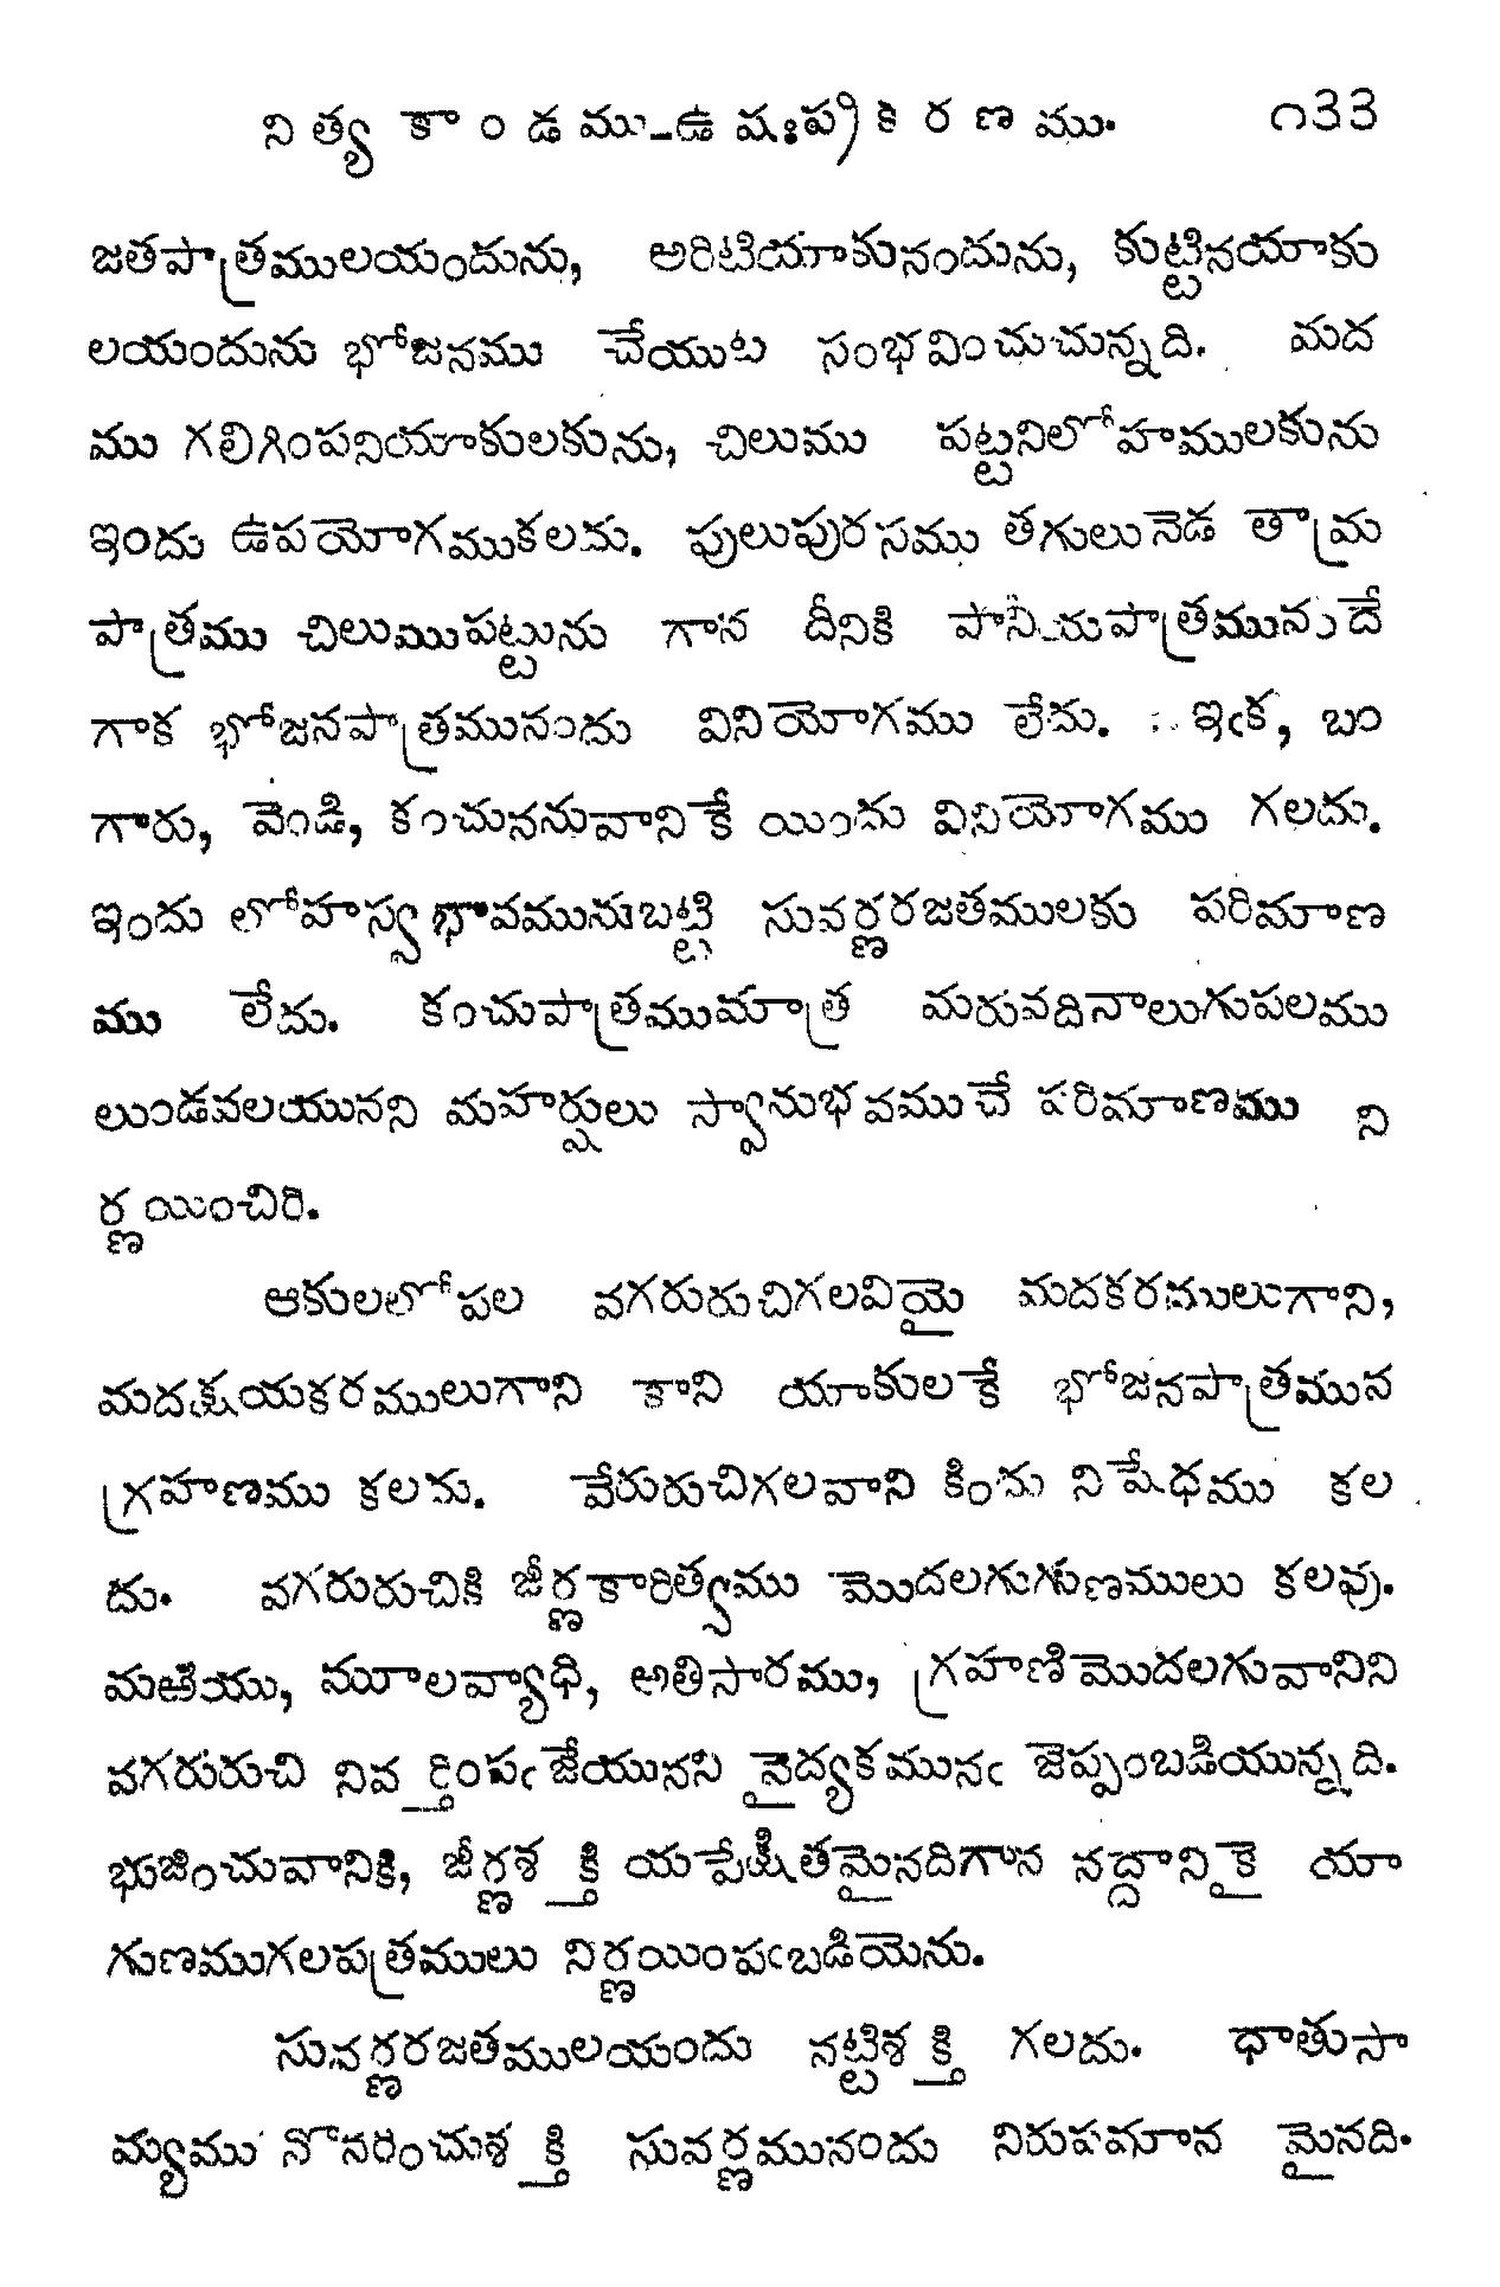జతపాత్రములయందును, అరిటియాకునందును, కుట్టినయాకులయందును భోజనము చేయుట సంభవించుచున్నది. మదము గలిగింపనియాకులకును, చిలుము పట్టనిలోహములకును ఇందు ఉపయోగముకలదు. పులుపురసము తగులునెడ తామ్రపాత్రము చిలుముపట్టును గాన దీనికి పానీయపాత్రమునందే గాక భోజనపాత్రమునందు వినియోగము లేదు. ఇఁక, బంగారు, వెండి, కంచుననువానికే యిందు వినియోగము గలదు. ఇందు లోహస్వభావమునుబట్టి సువర్ణరజతములకు పరిమాణము లేదు. కంచుపాత్రముమాత్ర మరువదినాలుగుపలము లుండవలయునని మహర్షులు స్వానుభవముచే పరిమాణము నిర్ణయించిరి.

ఆకులలోపల వగరురుచిగలవియై మదకరములుగాని, మదక్షయకరములుగాని కాని యాకులకే భోజనపాత్రమున గ్రహణము కలదు. 
వేరురుచిగలవాని కిందు నిషేధము కలదు. వగరురుచికి జీర్ణకారిత్వము మొదలగుగుణములు కలవు. మఱియు, మూలవ్యాధి, అతిసారము, గ్రహణిమొదలగువానిని వగరురుచి నివర్తింపఁజేయునని వైద్యకమునఁ జెప్పంబడియున్నది. భుజించువానికి, జీర్ణశక్తి యపేక్షితమైనదిగాన నద్ధానికై యా గుణముగలపత్రములు నిర్ణయింపఁబడియెను.

సువర్ణరజతములయందు నట్టిశక్తి గలదు. ధాతుసామ్యము నొనరించుశక్తి సువర్ణమునందు నిరుపమాన మైనది.